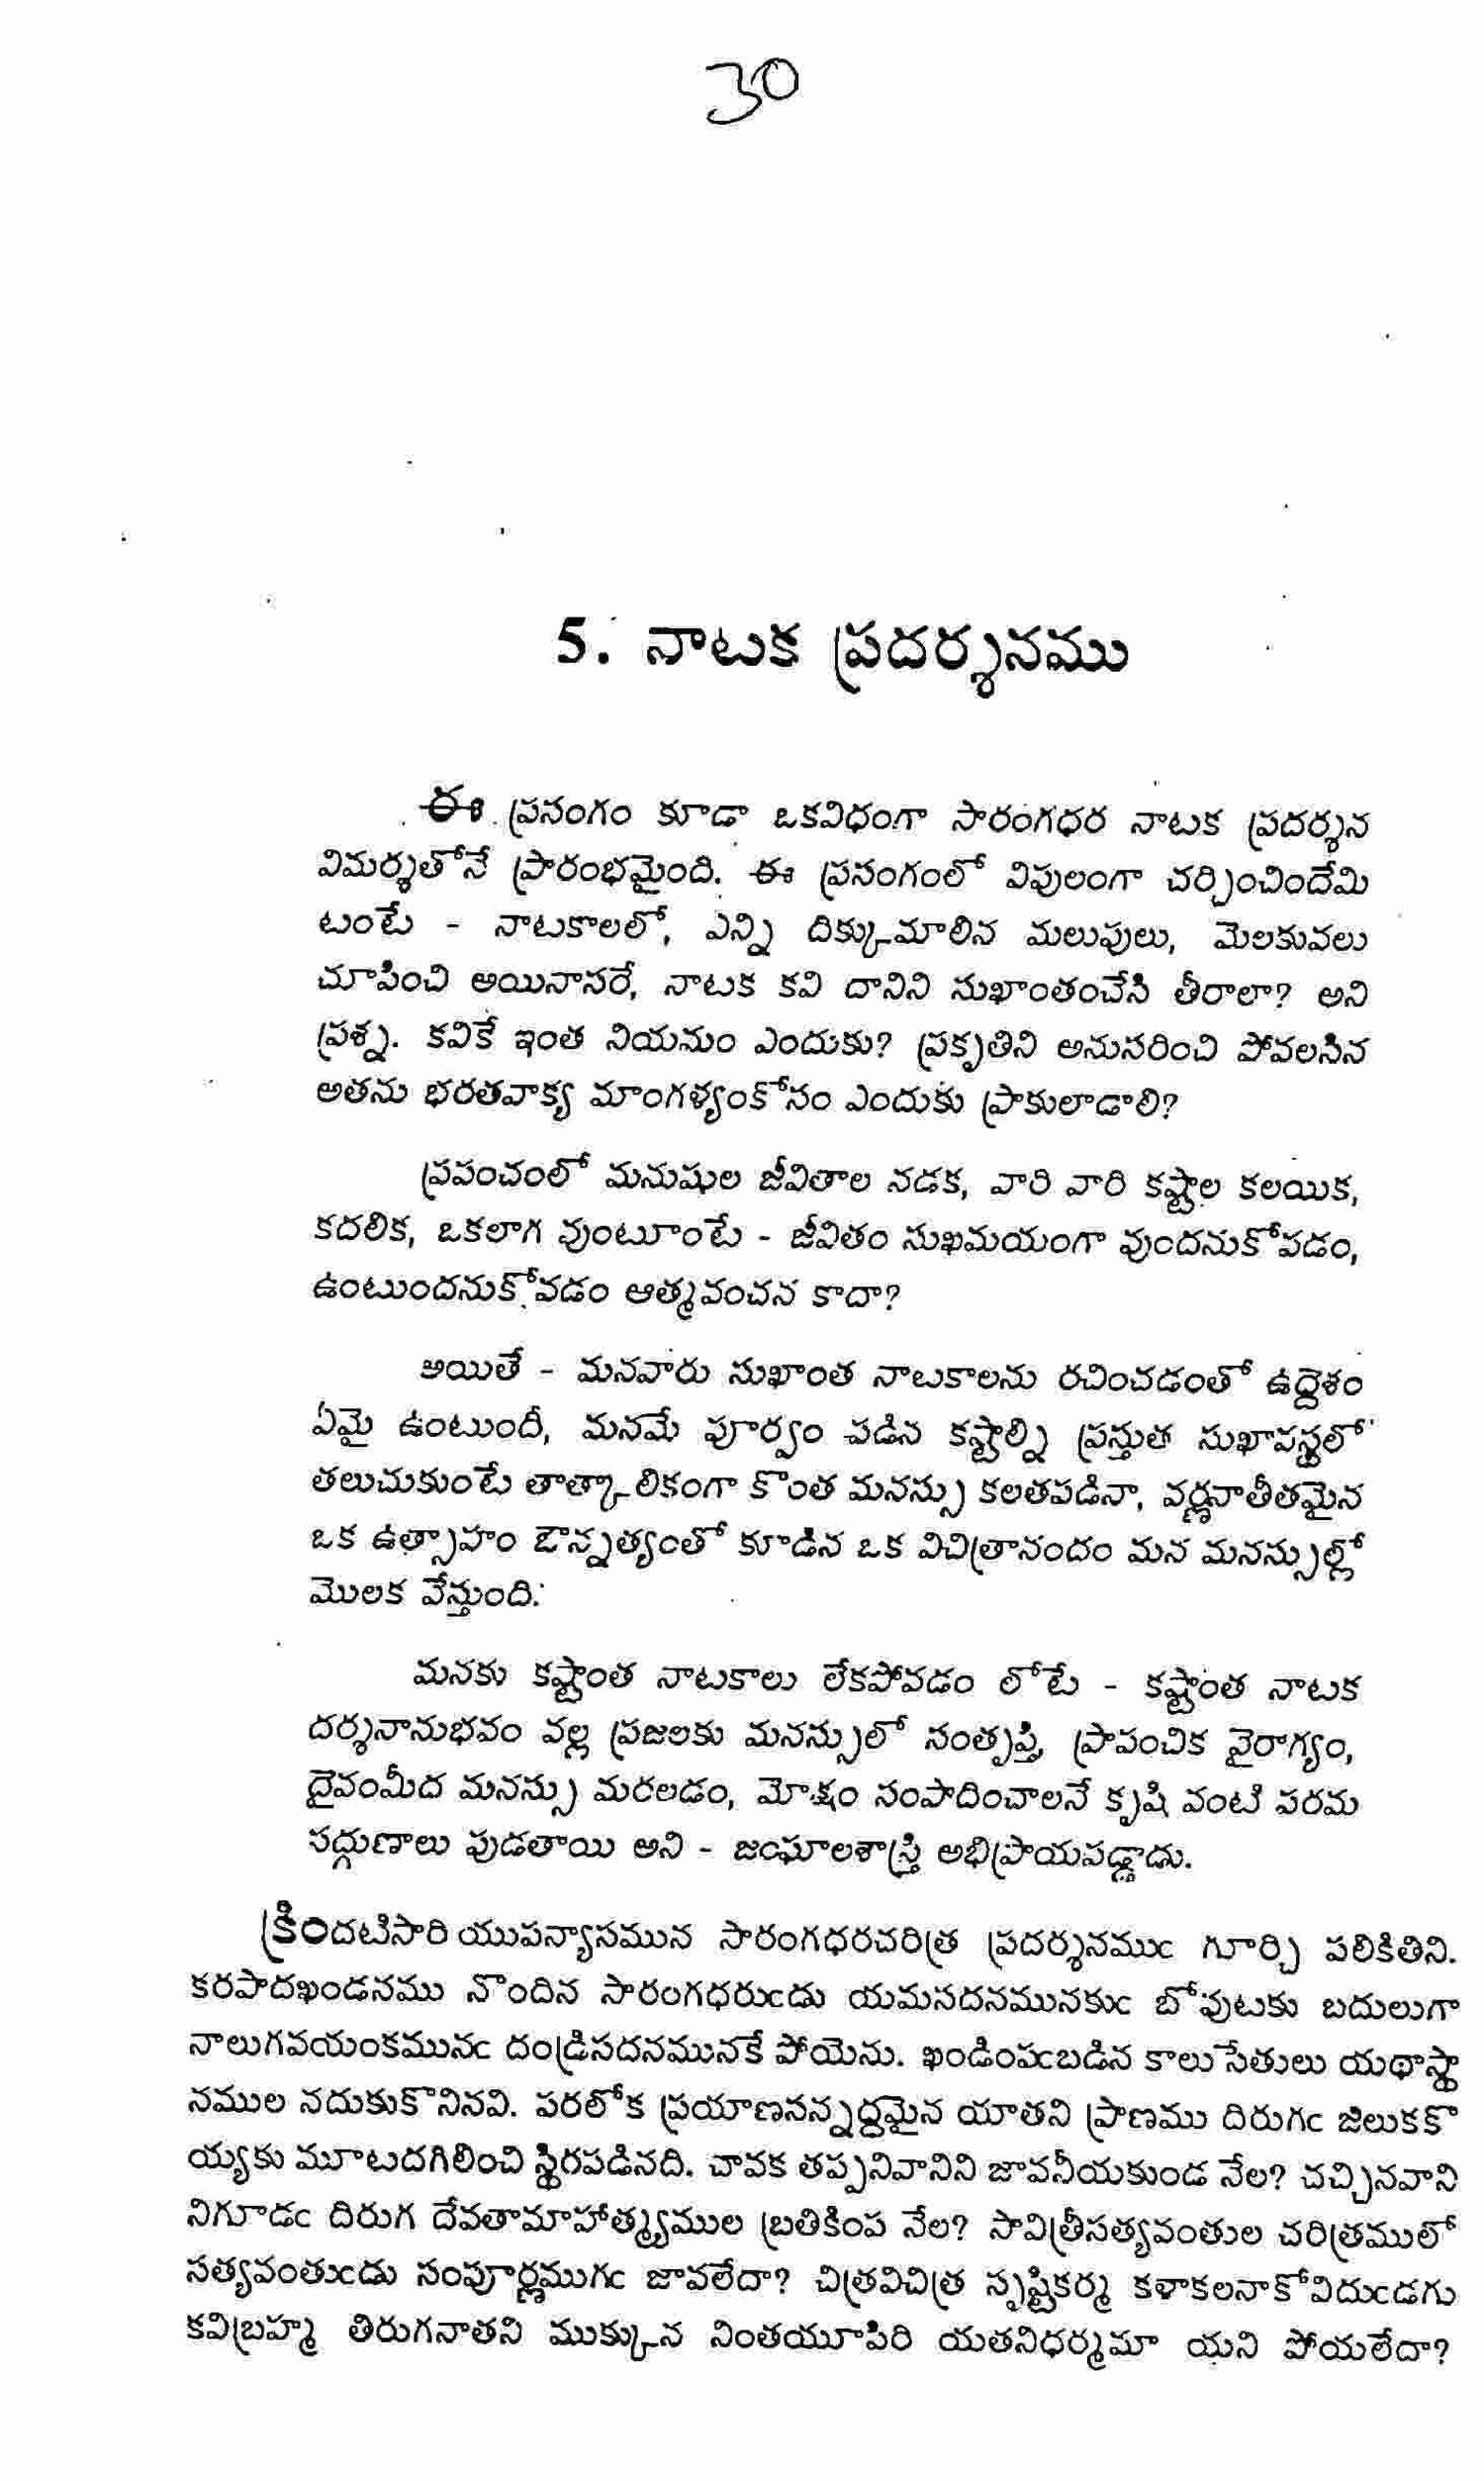ప్రసంగం కూడా ఒకవిధంగా సారంగధర నాటక ప్రదర్శన
విమర్శతోనే ప్రారంభమైంది. ఈ ప్రసంగంలో విపులంగా చర్చించిందేమి
టంటే నాటకాలలో, ఎన్ని దిక్కుమాలిన మలుపులు, మెలకువలు
చూపించి అయినాసరే, నాటక కవి దానిని సుఖాంతంచేసి తీరాలా? అని
ప్రశ్న. కవికే ఇంత నియమం ఎందుకు? ప్రకృతిని అనుసరించి పోవలసిన
అతను భరతవాక్య మాంగళ్యంకోసం ఎందుకు ప్రాకులాడాలి?

ప్రపంచంలో మనుషుల జీవితాల నడక, వారి వారి కష్టాల కలయిక,
కదలిక, ఒకలాగ వుంటూంటే - జీవితం సుఖమయంగా వుందనుకోపడం,
ఉంటుందనుకోవడం ఆత్మ వంచన కాదా?

అయితే - మనవారు సుఖాంత నాటకాలను రచించడంతో ఉద్దేశం
ఏమై ఉంటుంది, మనమే పూర్వం పడిన కష్టాల్ని ప్రస్తుత సుఖావస్థలో
తలుచుకుంటే తాత్కాలికంగా కొంత మనస్సు కలతపడినా, వర్ణనాతీతమైన
ఒక ఉత్సాహం ఔన్నత్యంతో కూడిన ఒక విచిత్రానందం మన మనస్సుల్లో
మొలక వేస్తుంది.

మనకు కష్టాంత నాటకాలు లేకపోవడం లోటే - కష్టాంత నాటక
దర్శనానుభవం వల్ల ప్రజలకు మనస్సులో సంతృప్తి, ప్రాపంచిక వైరాగ్యం,
దైవంమీద మనస్సు మరలడం, మోక్షం సంపాదించాలనే కృషి వంటి పరమ
సద్గుణాలు పుడతాయి అని - జంఘాలశాస్త్రి అభిప్రాయపడ్డాడు.

దటిసారి యుపన్యాసమున సారంగధర చరిత్ర ప్రదర్శనముఁ గూర్చి పలికితిని.
కరపాదఖండనము నొందిన సారంగధరుఁడు యమసదనమునకుఁ బోవుటకు బదులుగా
నాలుగవయంకమునఁ దండ్రి సదనమునకే పోయెను. ఖండింపఁబడిన కాలు సేతులు యథాస్థా
నముల నదుకుకొనినవి. పరలోక ప్రయాణసన్నద్ధమైన యాతని ప్రాణము దిరుగఁ జిలుకకొ
య్యకు మూటదగిలించి స్థిరపడినది. చావక తప్పనివానిని జావనీయకుండ నేల? చచ్చినవాని
నిగూడఁ దిరుగ దేవతామాహాత్మ్యముల బ్రతికింప నేల? సావిత్రీసత్యవంతుల చరిత్రములో
సత్యవంతుఁడు సంపూర్ణముగఁ జావలేదా? చిత్రవిచిత్ర సృష్టికర్మ కళాకలనాకోవిదుఁడగు
కవిబ్రహ్మ తిరుగనాతని ముక్కున నింతయూపిరి యతనిధర్మమా యని పోయలేదా?